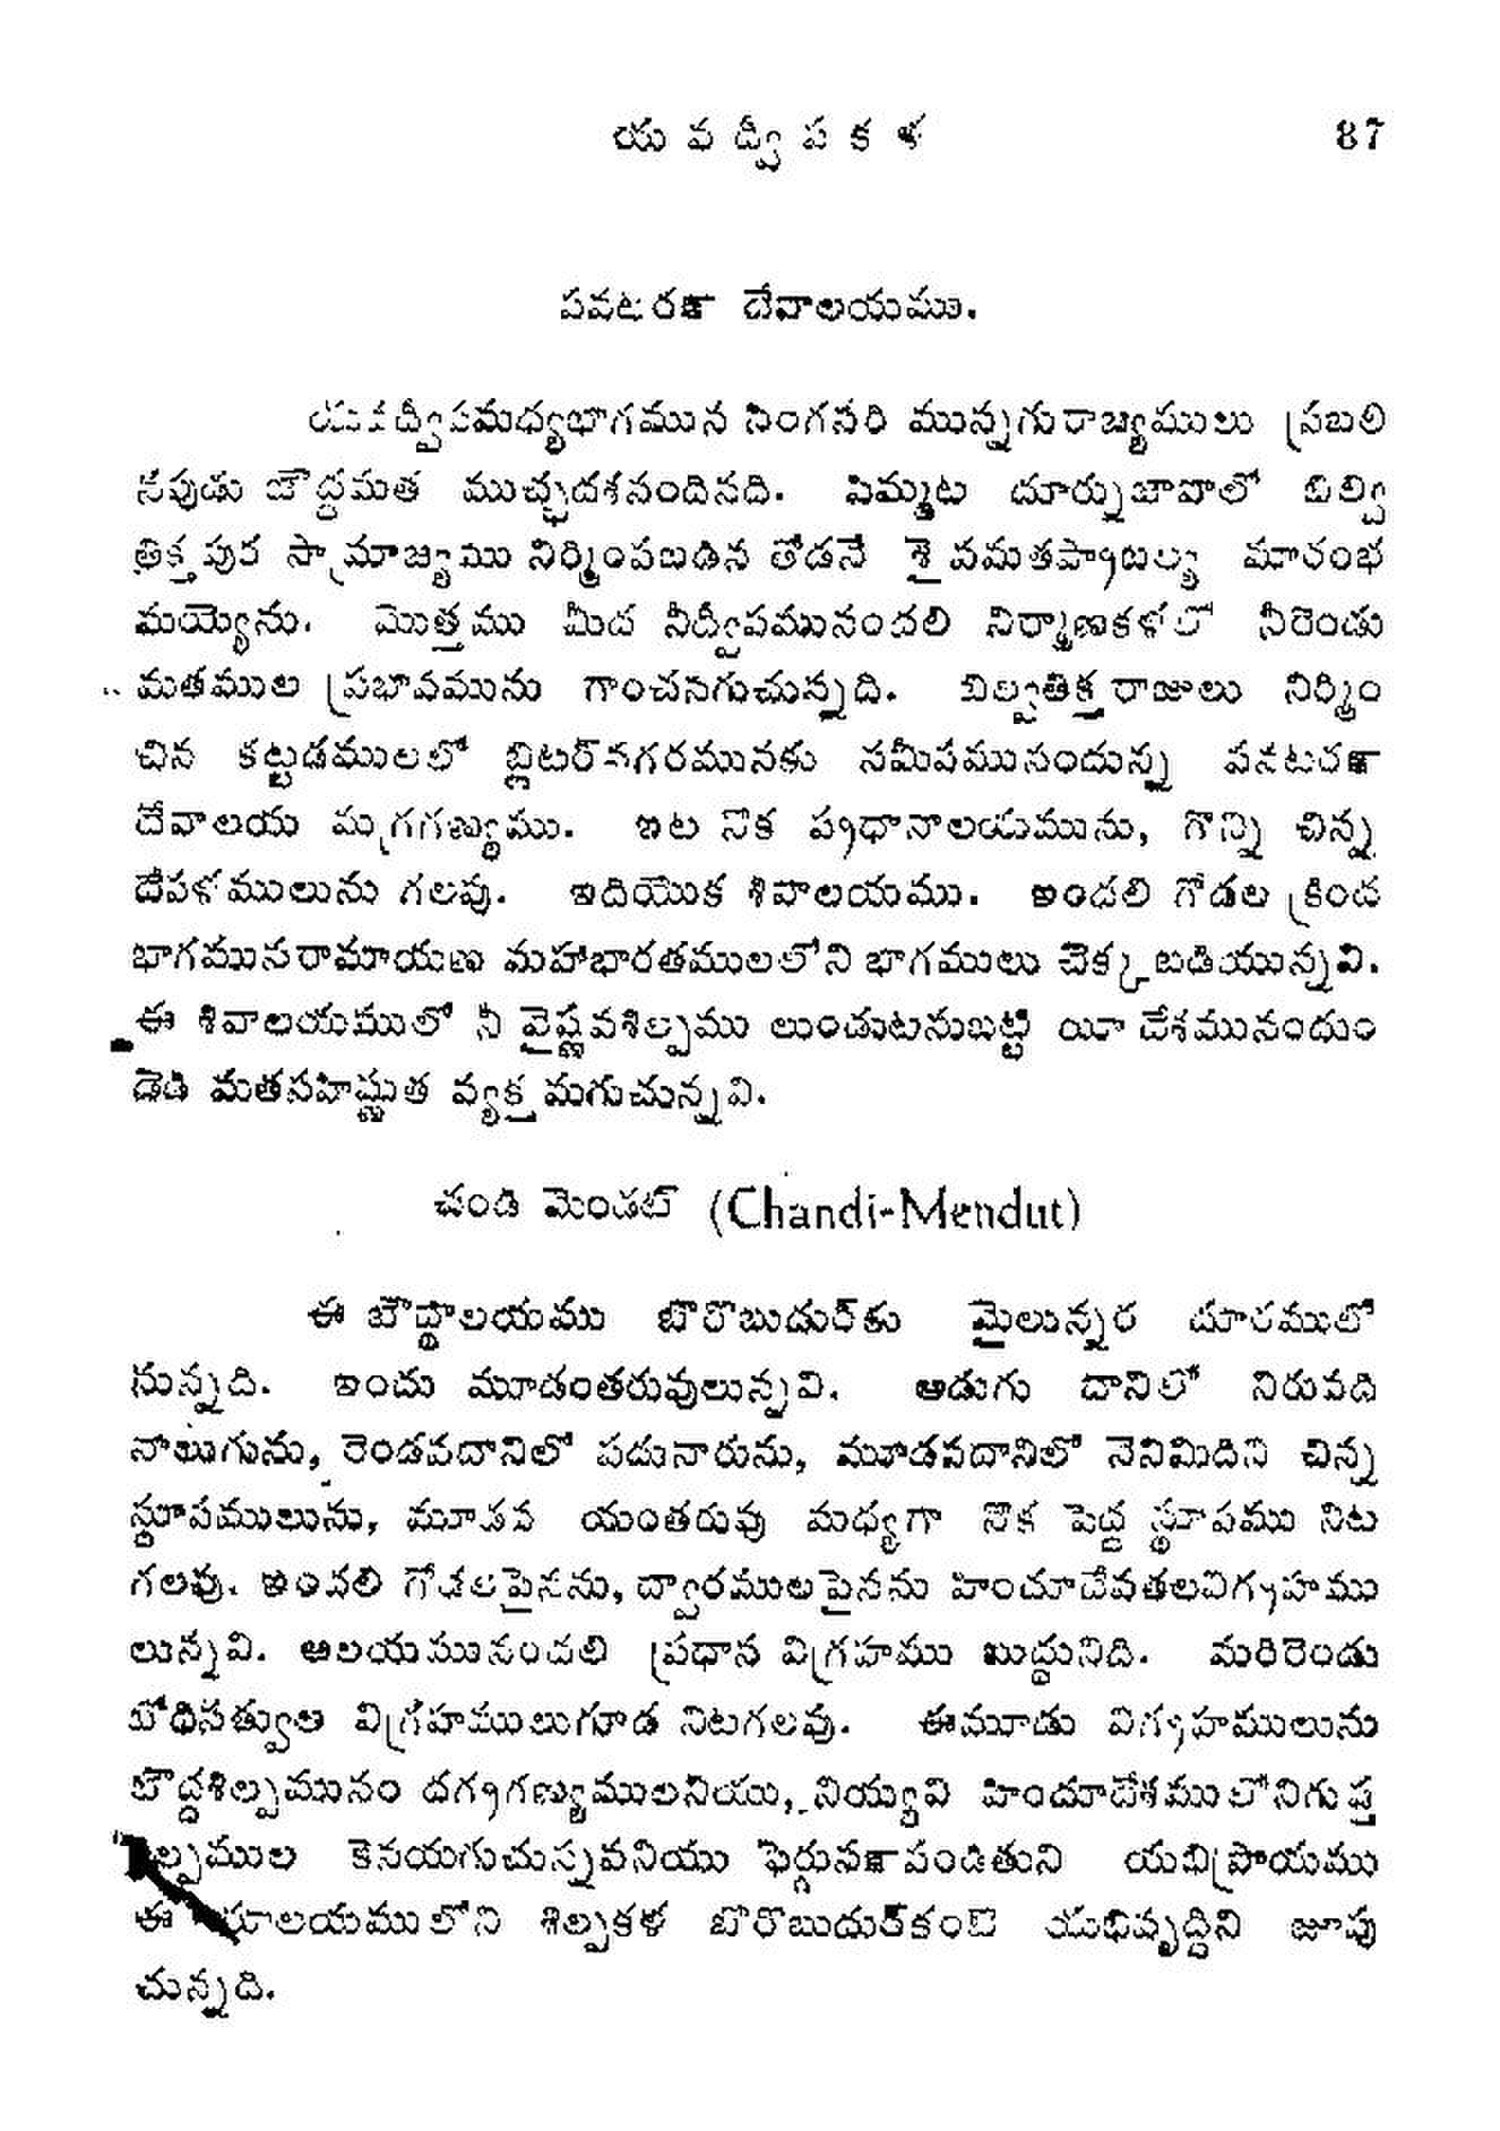యవద్వీపమధ్యభాగమున సింగసరి మున్నగురాజ్యములు ప్రబలినపుడు బౌద్దమత ముచ్ఛదశనందినది. పిమ్మట దూర్పుజావాలో బిల్వితిక్తపుర సామ్రాజ్యము నిర్మింపబడిన తోడనే శైవమతప్రాబల్య మారంభమయ్యెను. మొత్తము మీద నీద్వీపమునందలి నిర్మాణకళలో నీరెండు మతముల ప్రభావమును గాంచనగుచున్నది. బిల్వతిక్త రాజులు నిర్మించిన కట్టడములలో బ్లిటర్ నగరమునకు సమీపమునందున్న పనటరన్ దేవాలయ మగ్రగణ్యము. ఇట నొక ప్రధానాలయమును, గొన్ని చిన్న దేవళములును గలవు. ఇదియొక శివాలయము. ఇందలి గోడల క్రిందభాగమున రామాయణ మహాభారతములలోని భాగములు చెక్కబడియున్నవి. ఈ శివాలయములో నీ వైష్ణవశిల్పము లుండుటనుబట్టి యీ దేశమునందుండెడి మతసహిష్ణుత వ్యక్తమగుచున్నవి.

ఈ బౌద్దాలయము బొరొబుదుర్‌కు మైలున్నర దూరములో నున్నది. ఇందు మూడంతరువులున్నవి. అడుగు దానిలో నిరువది నాలుగును, రెండవదానిలో పదునారును, మూడవదానిలో నెనిమిదిని చిన్న స్థూపములును, మూడవ యంతరువు మధ్యగా నొక పెద్ద స్థూపము నిట గలవు. ఇందలి గోడలపైనను, ద్వారములపైనను హిందూదేవతలవిగ్రహములున్నవి. ఆలయమునందలి ప్రధాన విగ్రహము బుద్దునిది. మరిరెండు బోధిసత్వుల విగ్రహములుగూడ నిటగలవు. ఈమూడు విగ్రహములును బౌద్దశిల్పమునం దగ్రగణ్యములనియు, నియ్యవి హిందూదేశములోనిగుప్త శిల్పముల కెనయగుచున్నవనియు ఫెర్గుసన్ పండితుని యభిప్రాయము. ఈ యాలయములోని శిల్పకళ బొరొబుదుర్‌కంటె యభివృద్ధిని జూపుచున్నది.